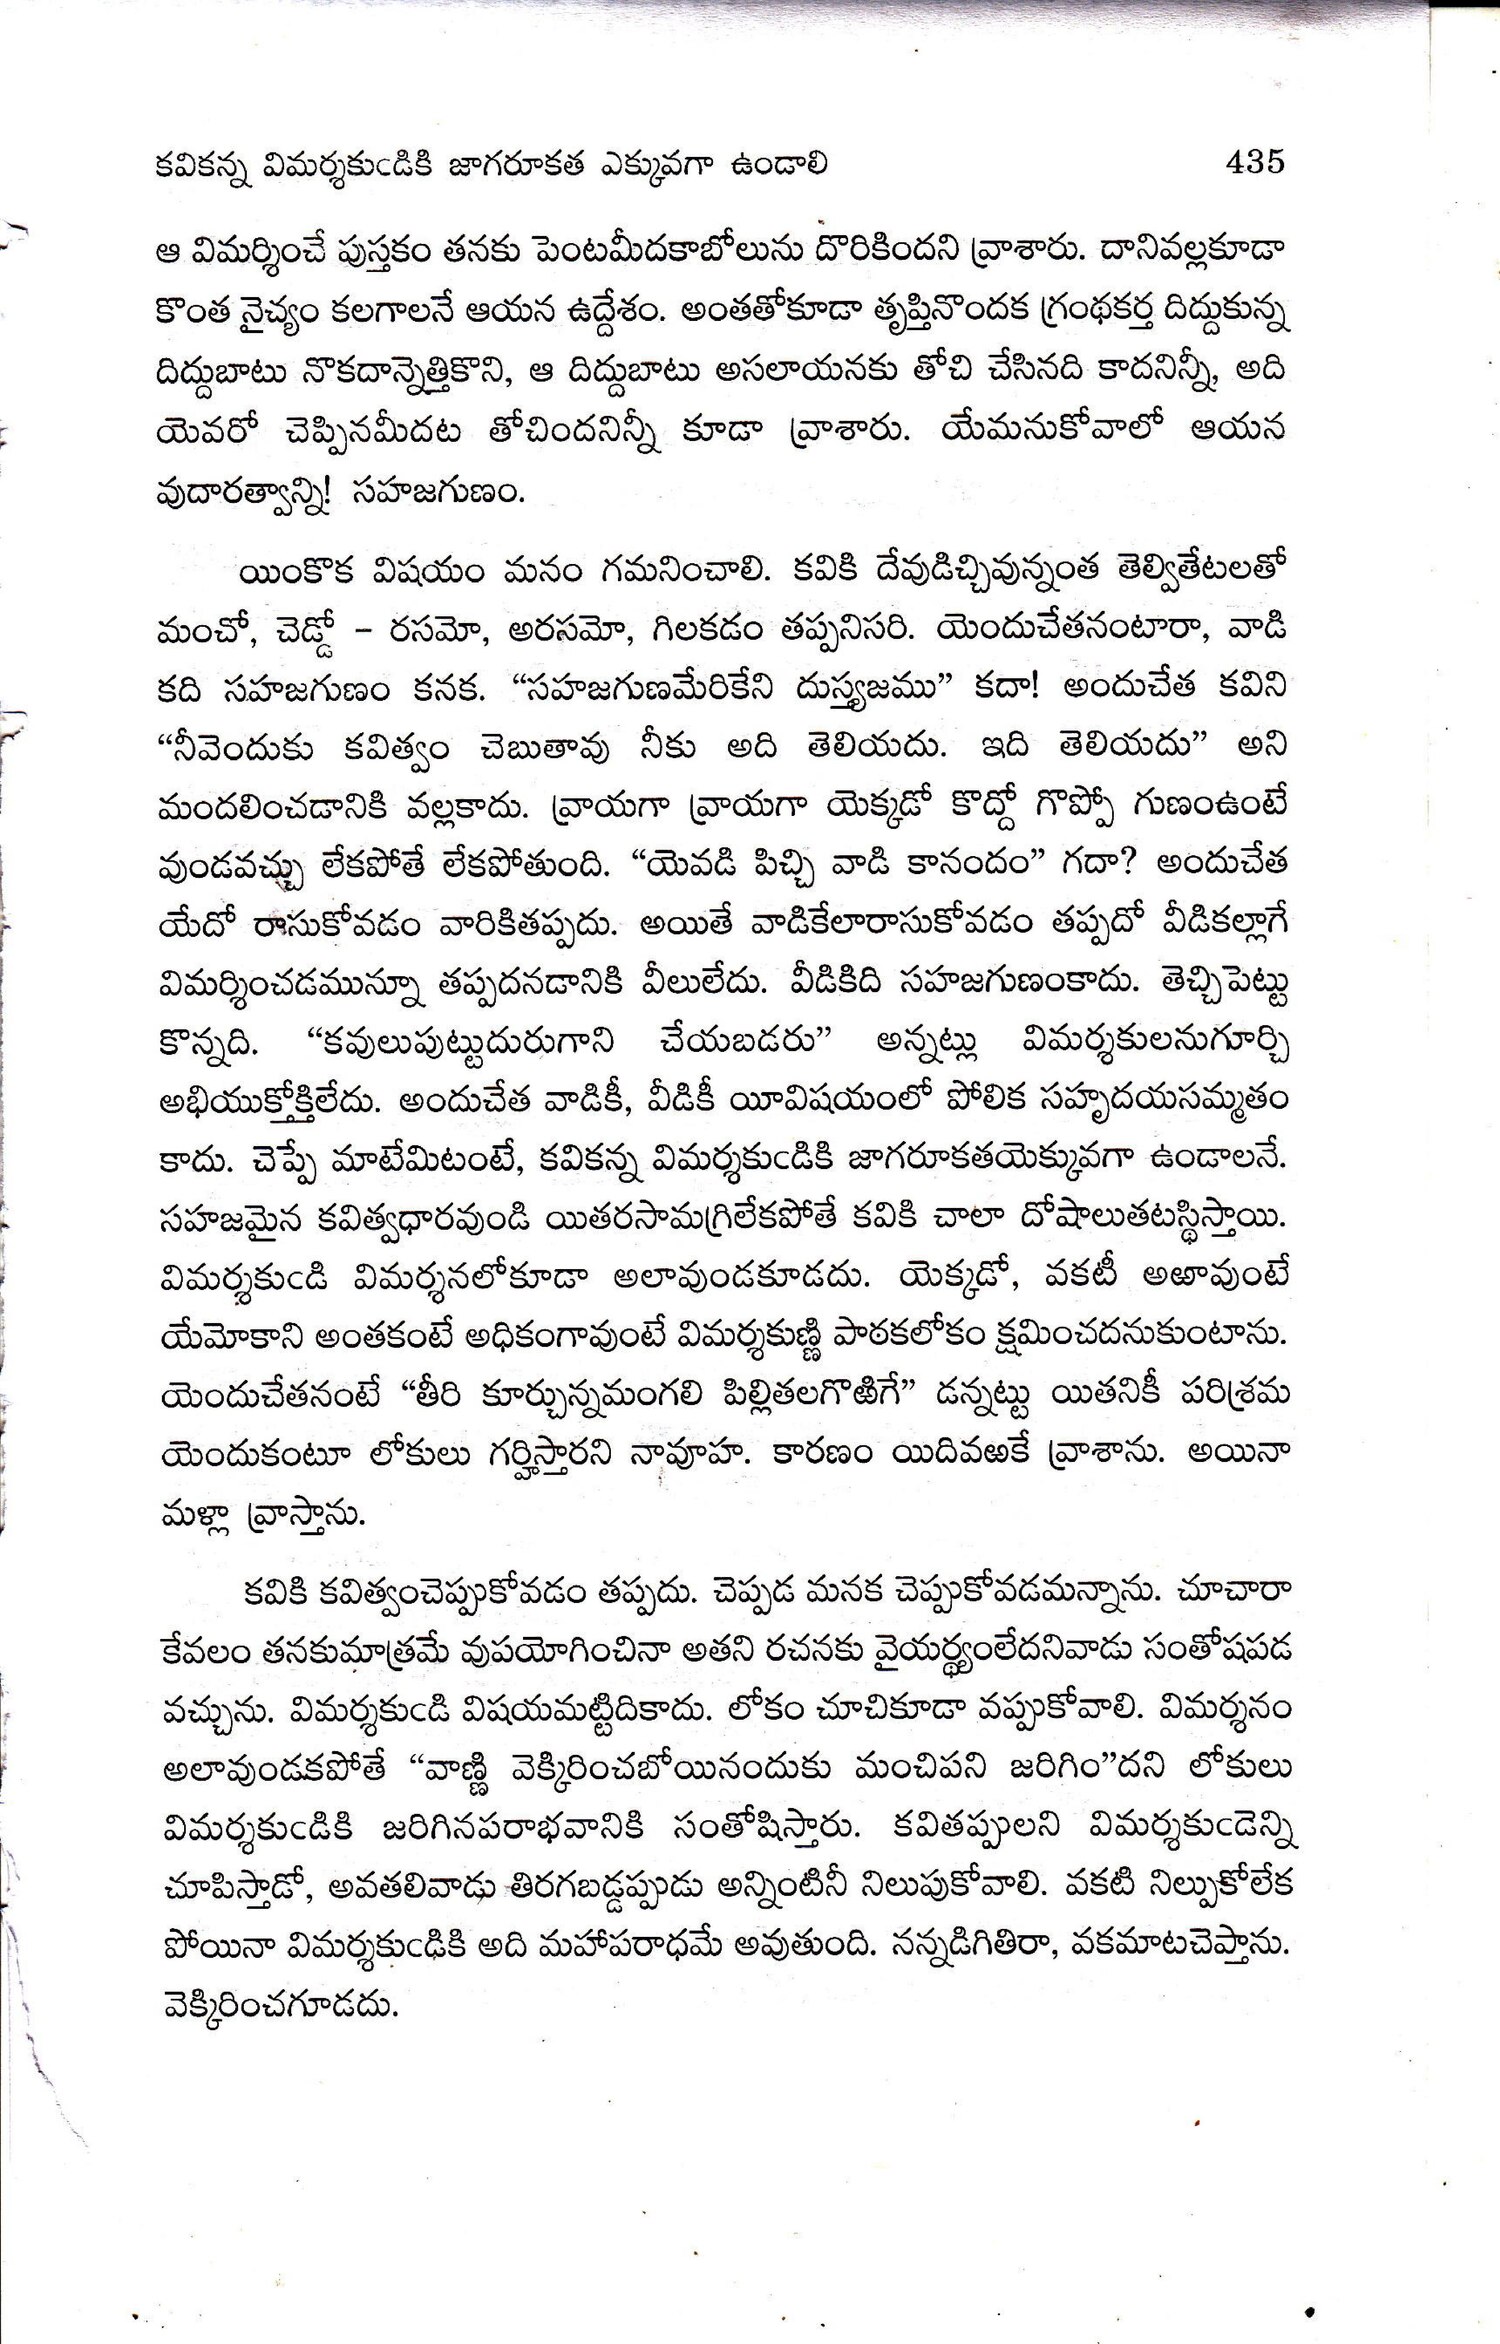ఆ విమర్శించే పుస్తకం తనకు పెంటమీదకాబోలును దొరికిందని వ్రాశారు. దానివల్లకూడా కొంత నైచ్యం కలగాలనే ఆయన ఉద్దేశం. అంతతోకూడా తృప్తినొందక గ్రంథకర్త దిద్దుకున్న దిద్దుబాటు నొకదాన్నెత్తికొని, ఆ దిద్దుబాటు అసలాయనకు తోచి చేసినది కాదనిన్నీ అది యెవరో చెప్పినమీదట తోచిందనిన్నీ కూడా వ్రాశారు. యేమనుకోవాలో ఆయన
వుదారత్వాన్ని సహజగుణం.

యింకొక విషయం మనం గమనించాలి. కవికి దేవుడిచ్చివున్నంత తెల్వితేటలతో మంచో, చెడ్డో - రసమో, అరసమో, గిలకడం తప్పనిసరి. యెందుచేతనంటారా, వాడి కది సహజగుణం కనక. "సహజగుణమేరికేని దుస్త్యజము" కదా! అందుచేత కవిని “నీవెందుకు కవిత్వం చెబుతావు నీకు అది తెలియదు. ఇది తెలియదు” అని మందలించడానికి వల్లకాదు. వ్రాయగా వ్రాయగా యెక్కడో కొద్దో గొప్పో గుణంఉంటే వుండవచ్చు లేకపోతే లేకపోతుంది. "యెవడి పిచ్చి వాడి కానందం” గదా? అందుచేత యేదో రాసుకోవడం వారికితప్పదు. అయితే వాడికేలారాసుకోవడం తప్పదో వీడికల్లాగే విమర్శించడమున్నూ తప్పదనడానికి వీలులేదు. వీడికిది సహజగుణంకాదు. తెచ్చిపెట్టు కొన్నది. “కవులుపుట్టుదురుగాని చేయబడరు" అన్నట్లు విమర్శకులనుగూర్చి అభియుక్తోక్తిలేదు. అందుచేత వాడికీ, వీడికీ యీవిషయంలో పోలిక సహృదయసమ్మతం కాదు. చెప్పే మాటేమిటంటే, కవికన్న విమర్శకుcడికి జాగరూకతయెక్కువగా ఉండాలనే. సహజమైన కవిత్వధారవుండి యితరసామగ్రిలేకపోతే కవికి చాలా దోషాలుతటస్థిస్తాయి. విమర్శకుఁడి విమర్శనలోకూడా అలావుండకూడదు. యెక్కడో, వకటీ అఱావుంటే యేమోకాని అంతకంటే అధికంగావుంటే విమర్శకుణ్ణి పాఠకలోకం క్షమించదనుకుంటాను. యెందుచేతనంటే “తీరి కూర్చున్నమంగలి పిల్లితలగొఱిగే" డన్నట్టు యితనికీ పరిశ్రమ యెందుకంటూ లోకులు గర్హిస్తారని నావూహ. కారణం యిదివఱకే వ్రాశాను. అయినా మళ్లా వ్రాస్తాను.

కవికి కవిత్వంచెప్పుకోవడం తప్పదు. చెప్పడ మనక చెప్పుకోవడమన్నాను. చూచారా కేవలం తనకుమాత్రమే వుపయోగించినా అతని రచనకు వైయర్థ్యంలేదనివాడు సంతోషపడ వచ్చును. విమర్శకుఁడి విషయమట్టిదికాదు. లోకం చూచికూడా వప్పుకోవాలి. విమర్శనం అలావుండకపోతే “వాణ్ణి వెక్కిరించబోయినందుకు మంచిపని జరిగిం"దని లోకులు విమర్శకుఁడికి జరిగినపరాభవానికి సంతోషిస్తారు. కవితప్పులని విమర్శకుఁడెన్ని చూపిస్తాడో, అవతలివాడు తిరగబడ్డప్పుడు అన్నింటినీ నిలుపుకోవాలి. వకటి నిల్పుకోలేక పోయినా విమర్శకుఁడికి అది మహాపరాధమే అవుతుంది. నన్నడిగితిరా, వకమాటచెప్తాను. వెక్కిరించగూడదు. -